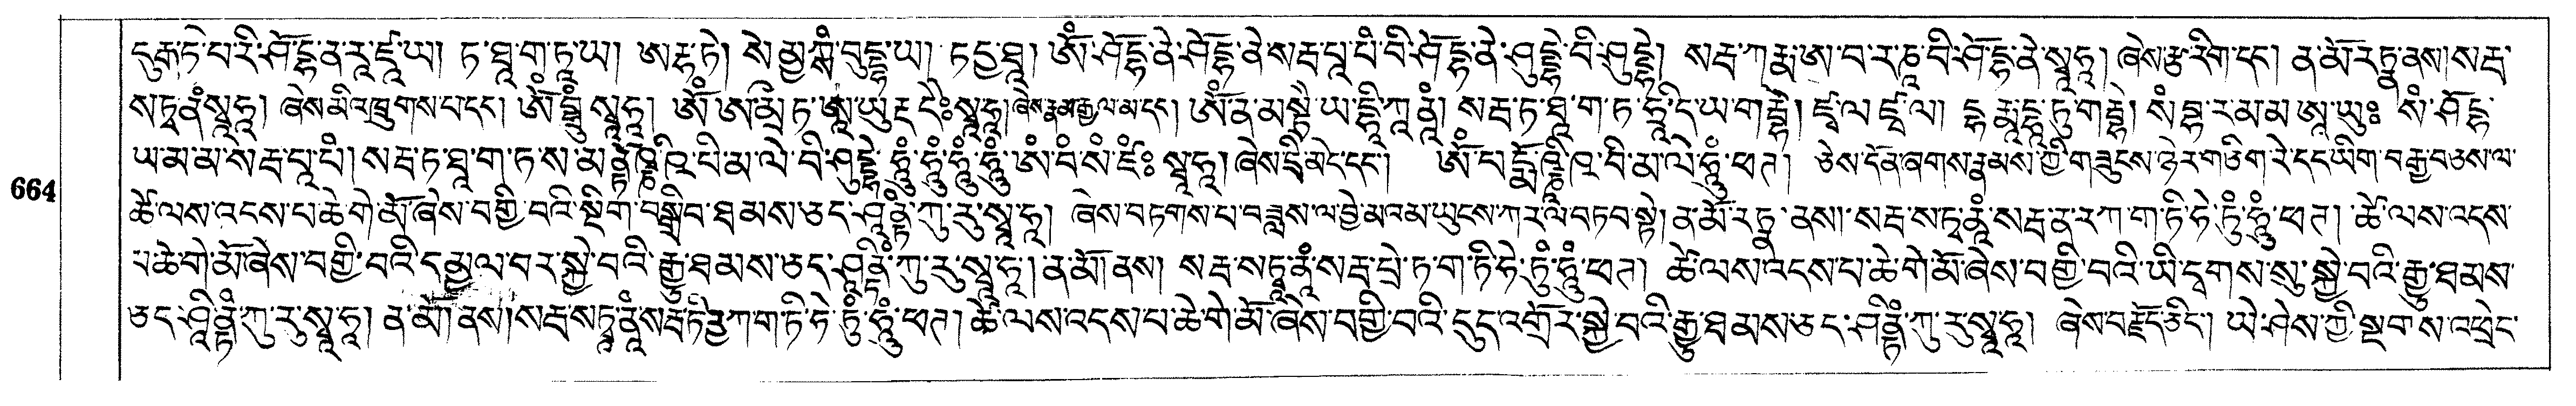དུ་རྒ་ཏེ་པ་རི་ཤོ་དྷ་ན་རཱ་ཛཱ་ཡ། ཏ་ཐཱ་ག་ཏཱ་ཡ། ཨརྷ་ཏེ། སེརྱ་ཀྶཾ་བུ་དྡྷ་ཡ། ཏྡཡ་ཐཱ། ཨོཾ་ཤོ་དྷ་ནེ་ཤོ་དྷ་ནེ་ཤུ་དྡྷེ་བི་ཤུ་དྡྷེ། སརྦ་ཀརྨ་ཨ་བ་ར་ཎཱ་བི་ཤོ་དྷ་ནེ་ཝྭཱ་ཧཱ། ཞེས་རྩ་རིག་དང་། ན་མོ་རྟྣ་ནས། སརྦ་
ས་ཏྭ་ནཾ་སྭཱ་ཧཱ། ཞེས་མི་འཁྲུགས་པ་དང། ཨོཾ་བྷྲུཾ་སྭཱ་ཧཱ། ཨོཾ་ཨ་མྲྀཏ་ཨཱ་ཡུ་རྡ་དཻཿ སྭཱ་ཧཱ། ཞེས་རྣམ་རྒྱལ་མ་དང། ཨོཾ་ན་མ་སྟཻ་ཡ་དྷཱི་ཀཱ་ནཱཾ། སརྦ་ཏ་ཐཱ་ག་ཏ་ཧྲཱི་ད་ཡ་ག་རྒྷ། ཛྭ་ལ་ཛྭ་ལ། དྷརྨའ་དྡཱ་ཏུ་གྲྦྷེ། སཾ་བྷ་ར་མམ་ཨཱ་ཡུཿ སཾ་ཤོདྷ་
ཡ་མ་མ་སརྦ་པཱ་པཾ། སརྦ་ཏ་ཐཱ་ག་ཏ་ས་མ་ནྟ་ཥྞ་ཥི་པི་མ་ལེ་བི་ཤུདྡྷེ་ཧཱུཾ་ཧཱུཾ་ཧཱུཾ་ཧཱུཾ་ཨཾ་བཾ་སཾ་ཛཾཿ སྭཱ་ཧཱ། ཞེས་དྲི་མེད་དང་། ཨོཾ་པདམོ་ཥྞི་ཥ་བི་མ་ལེ་ཧཱུཾ་ཕཊ། ཅེས་དོན་ཞགས་རྣམས་ཀྱི་གཟུགས་ཉེར་གཅིག་རེ་དང་ཡིག་བརྒྱ་བཅས་ལ
ཚེ་ལས་འདས་པ་ཆེ་གེ་མོ་ཞེས་བགྱི་བའི་སྡིག་བསྒྲིམ་ཐམས་ཅད་ཤཱ་ནྟཾ་ཀུ་རུ་སྭཱ་ཧཱ། ཞེས་བཏགས་པ་བཟླས་ལ་བྱེ་མ་འཾ་ཡུངས་ཀར་ལ་བཏབ་སྟེ། ན་མོ་རཏྣ་ནས། སརྦ་སྟྭ་ནཱཾ་སརྦ་ན་རཀ་ག་ཏི་ཧེ་ཏུཾ་ཧཱུཾ་ཕཊ། ཚེ་ལས་འདས་
པ་ཆེ་གེ་མོ་ཞེས་བགྱི་བའི་དམྱལ་བར་སྐྱེ་བའི་རྒྱུ་ཐམས་ཅད་ཤཱནྟིཾ་ཀུ་རུ་སྭཱ་ཧཱ། ན་མོ། ནས། སརྦ་སཏྭ་ནའཾ་སརྦ་པྲེ་ཏ་ག་ཏི་ཧེ་ཏུཾ་ཧཱུཾ་ཕཊ། ཚེ་ལས་འདས་པ་ཆེ་གེ་མོ་ཞེས་བགྱི་བའི་ཡི་དྭགས་སུ་སྐྱེ་བའི་རྒྱུ་ཐམས་
ཅད་ཤཱིནྟཾ་ཀུ་རུ་སྭཱ་ཧཱ། ན་མོ། ནས། སརྦ་སྟྭཱ་ནཱཾ་སརྦ་ཏི་རཡ་ཀ་ག་ཏི་ཧེ་ཏུཾ་ཧཱུཾ་ཕཊ། ཚེ་ལས་འདས་པ་ཆེ་གེ་མོ་ཞེས་བགྱི་བའི་དུད་འགྲོར་སྐྱེ་བའི་རྒྱུ་ཐམས་ཅད་ཤིནྟཾ་ཀུ་རུ་སྭཱ་ཧཱ། ཞེས་བརྗོད་ཅིང་། ཡེ་ཤེས་ཀྱི་སྔགས་འཕྲེང་